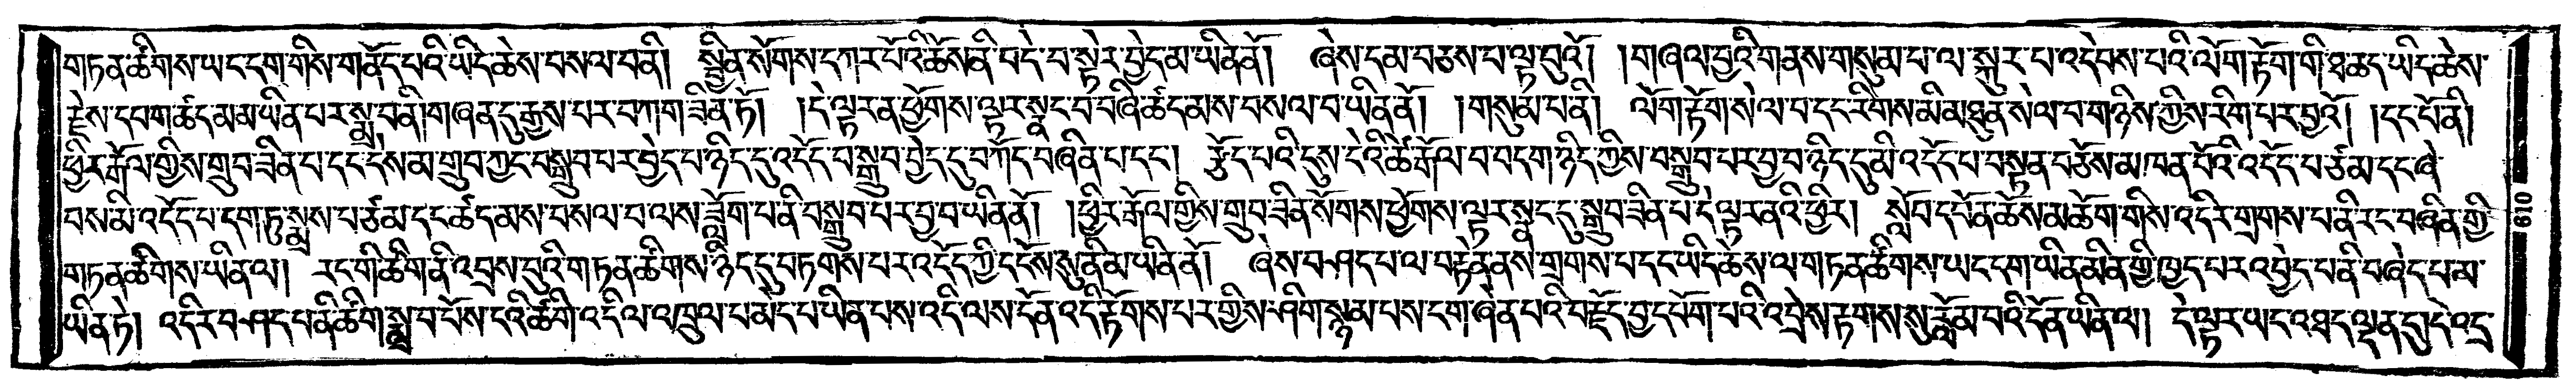གཏན་ཚིགས་ཡང་དག་གིས་གནོད་པའི་ཡིད་ཆེས་བསལ་བ་ནི། སྦྱིན་སོགས་དཀར་པོའི་ཆོས་ནི་བདེ་བ་སྟེར་བྱེད་མ་ཡིན་ནོ། ཞེས་དམ་བཅས་པ་ལྟ་བུའོ། །གཞལ་བྱའི་གནས་གསུམ་པ་ལ་སྐུར་པ་འདེབས་པའི་ལོག་རྟོག་གི་ཐ་ཆད་ཡིད་ཆེས་
རྗེས་དཔག་ཚད་མ་མ་ཡིན་པར་སྨྲ་བ་ནི། གཞན་དུ་རྒྱས་པར་བཀག་ཟིན་ཏོ། །དེ་ལྟར་ན་ཕྱོགས་ལྟར་སྣང་བ་བཞི་ཚད་མས་མས་སེལ་བ་གཉིས་ཀྱི་རིག་པར་བྱའོ། །དང་པོ་ནི་མཐུན་སེལ་བ་གཉིས་ཀྱིས་རིག་པར་བྱའོ། །དང་པོ་ནི།
ཕྱིར་རྒོལ་གྱིས་གྲུབ་ཟིན་པ་དང་དེས་མ་གྲུབ་ཀྱང་བསྒྲུབ་པར་བྱེད་པ་ཉིད་དུ་འདོད་བ་སྒྲུབ་བྱེད་དུ་བཀོད་བཞིན་པ་དང་། རྩོད་པའི་དུས་དེའི་ཚེ་རྒོལ་བ་བདག་ཉིད་ཀྱིས་བསྒྲུབ་པར་བྱ་བ་ཉིད་དུ་མི་འདོད་པ་བསྟན་བཅོས་མཁན་བོའི་འདོད་པ་ཙམ་དང་ཞེ་
བས་མི་འདོད་པ་དག་ཏུ་སྨྲས་པ་ཙམ་དང་ཚད་མས་བསལ་བ་ལས་ཟློག་པ་ནི་བསྒྲུབ་པར་བྱ་བ་ཡིན་ནོ། །ཕྱིར་རྒོལ་གྱིས་གྲུབ་ཟིན་སོགས་ཕྱོགས་ལྟར་སྣང་དུ་སྒྲུབ་ཟིན་པ་དེ་ལྟར་ནའི་ཕྱིར། སློབ་དཔོན་ཆོས་མཆོག་གིས་འདིར་གྲགས་པ་ནི་རང་བཞིན་གྱི་
གཏན་ཚིགས་ཡིན་ལ། རང་གི་ཚིག་ནི་འབྲས་བུའི་གཏན་ཚིག་ཉིད་དུ་བཏགས་པར་འདོད་ཀྱི་དངོས་སུ་ནི་མ་ཡིན་ནོ། ཞེས་བཤད་པ་ལ་བརྟེན་ནས་གྲགས་པ་དང་ཡིད་ཆེས་ལ་གཏན་ཚིགས་ཡང་དག་ཡིན་མིན་གྱི་ཁྱད་པར་འབྱེད་པ་ནི་བཞེད་པ་མ་
ཡིན་ཏེ། འདིར་བཤད་པ་ནི་ཚིག་སྨྲ་བ་པོས་ངའི་ཚིག་འདིལ་འཁྲུལ་པ་མེད་པ་ཡིན་པས་འདི་ལས་དོན་འདི་རྟོགས་པར་གྱིས་ཤིག་སྙམ་པས་ངག་ཞེན་པའི་བརྗོད་བྱ་དཔོག་པའི་འབྲེས་རྟགས་སུ་རློམ་བའི་དོན་ཡིན་ལ། དེ་ལྟར་ཡང་འཐད་ལྡན་དུ། དེ་འདྲ་